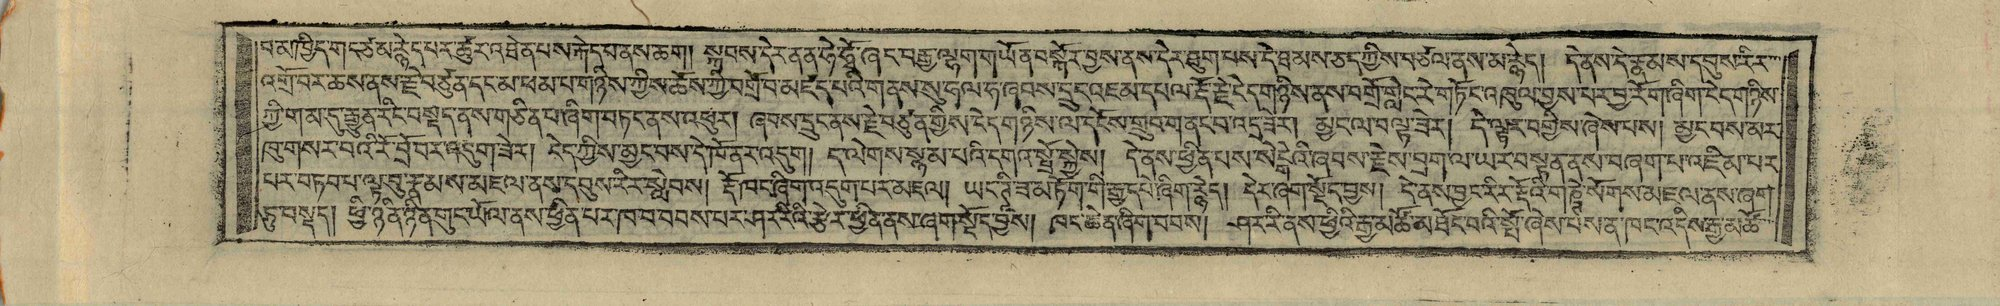བ་མ་ཁྱིད་གང་ཙམ་རྙེད་པར་ཚུར་འཐེན་པས་རྐེད་པ་ནས་ཆག ། སྐབས་དེར་ནན་ཧེ་ཧྭོ་ཞང་བརྒྱ་ལྷག་གཡོན་བསྐོར་བྱས་ནས་དེར་ཐུག་པས་དེ་ཐམས་ཅད་ཀྱིས་བཙལ་ནས་མ་རྙེད། དེ་ནས་དེ་རྣམས་དབུས་རིར་
འགྲོ་བར་ཆས་ནས་རྗེ་བཙུན་དང་མ་ཕམ་པ་གཉིས་ཀྱིས་ཆོས་ཀྱི་བགྲོ་བ་མཛད་པའི་གནས་སུ་ཧལ་ཧ་ཞབས་དྲུང་འཇམ་དཔལ་རྡོ་རྗེ་ངེད་གཉིས་ནས་བགྲོ་གླེང་རེ་གཏོང་འཁུལ་བྱས་པར་བྱ་རོག་ཞིག་ངེད་གཉིས་
ཀྱི་གམ་དུ་རྒྱུན་རིང་བསྡད་ནས་གཅིན་པ་ཞིག་བཏང་ནས་འཕུར། ཞབས་དྲུང་ནས་རྗེ་བཙུན་གྱིས་ངེད་གཉིས་ལ་དངོས་གྲུབ་གནང་བ་འདྲ་ཟེར། མྱང་ལ་བལྟ་ཟེར། དེ་ལྟར་བགྱིས་ཞེས་པས། མྱང་བས་མར་
ཁུ་གསར་བའི་རོ་བྲོ་བར་འདུག་ཟེར། ངེད་ཀྱིས་མྱང་བས་དེ་ཁོ་ནར་འདུག ། ད་ལེགས་སྙམ་པའི་དགའ་སྤྲོ་སྐྱེས། དེ་ནས་ཕྱིན་པས་སེངྒེའི་ཞབས་རྗེས་བྲག་ལ་ཡར་བསྟན་ནས་བཞག་པ་འཇིམ་པར་
པར་བཏབ་པ་ལྟ་བུ་རྣམས་མཇལ་ནས་དབུས་རིར་སླེབས། རྡོ་ཁང་ཞིག་འདུག་པར་མཇལ། ཡང་ཊི་ཟ་མ་ཏོག་གི་རྒྱ་དཔེ་ཞིག་རྙེད། དེར་ཞག་སྡོད་བྱས། དེ་ནས་བྱང་རིར་རྡོའི་གཎྚེ་སོགས་མཇལ་ནས་ཞག་
ཏུ་བསྡད། ཕྱི་ཉིན་ཉིན་གུང་ཡོལ་ནས་ཕྱིན་པར་ཁ་བ་བབས་པར་ཤར་རིའི་རྩེར་ཕྱིན་ནས་ཞག་སྡོད་བྱས། ཁང་ཆེན་ཞིག་བབས། ཤར་རི་ནས་ཕྱིའི་རྒྱ་མཚོ་མཐོང་བའི་སྤོ་ཞེས་པས་ན་ཁང་འདིས་རྒྱ་མཚོ་